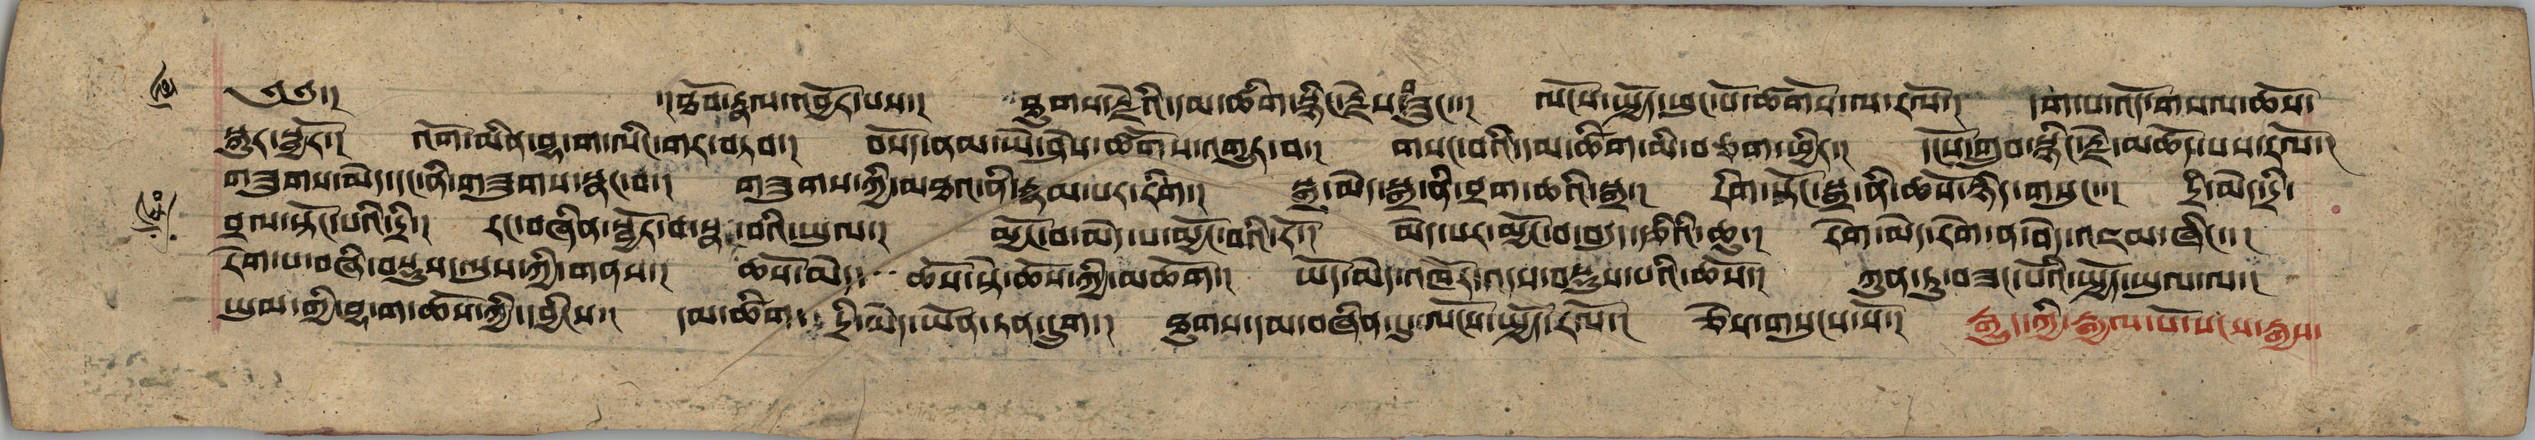༄༅་། ་།ཐོབ་རྣལ་འབྱོར་པས་། ཐུགས་རྗེའི་དམ་ཚིག་སྙིང་རྗེས་བཟུང་་། ལོངས་སྤྱོད་ཕུང་པོ་ཚོགས་ལ་རོལ་། དག་པ་འོད་གསལ་ཆོས་
སྐུར་སྦྱོར་། འོག་མིན་བྷ་ག་ལིང་གར་བཏབ་། བསོད་ནམས་ཡེ་ཤེས་ཚོགས་འགྱུར་བ་། གསང་བའི་དམ་ཚིག་མི་བཅག་ཕྱིར་། དངོས་གྲུབ་སྙིང་རྗེ་མཆོད་པས་རོལ་།
གཟུགས་མེད་དང་ནི་གཟུགས་སྣང་བ་། གཟུགས་ཀྱི་མཐའ་ནི་རྣམ་པར་རིག། སྒྲ་མེད་སྒྲ་ནི་བྲག་ཆའི་སྒྲ་། རིག་སྟོང་སྒྲ་ནི་ཆོས་ཉིད་གསུང་་། དྲི་མེད་དྲི་
བྲལ་སྟོང་པའི་དྲི་། རང་བཞིན་སྦྱོར་བ་སྣ ་བའི་ཡུལ་། མྱོང་བ་མེད་པ་མྱོང་བའི་རོ་། མེད་པར་མྱོང་བ་བདུད་རྩིའི་ཆུ་།། རེག་མེད་རིག་ན་བདེ་འཇམ་ཞིང་་།
རེག་པ་བཞི་བསྡུས་ལུས་ཀྱི་གནས་། ཆོས་མེད་ ཆོས་སྟེ་ཆོས་ཀྱི་མཆོག་། ཡོད་མེད་འཁོར་འདས་བསྡུས་པའི་ཆོས་། ཀུན་ཏུ་བཟང་པོའི་སྤྱོད་ཡུལ་ལ་།
ཡུམ་གྱི་བྷ་ག་ཆོས་ཀྱི་དབྱིངས་། དམ་ཚིག་ དྲི་མེད་ཡོན་ཏན་དྲུག་། ཐུགས་དམ་བཞིན་དུ་ལོངས་སྤྱོད་རོལ་། ཅེས་གསུངས་སོ་། རྒྱུད་ཀྱི་རྒྱལ་པོ་སངས་རྒྱས་